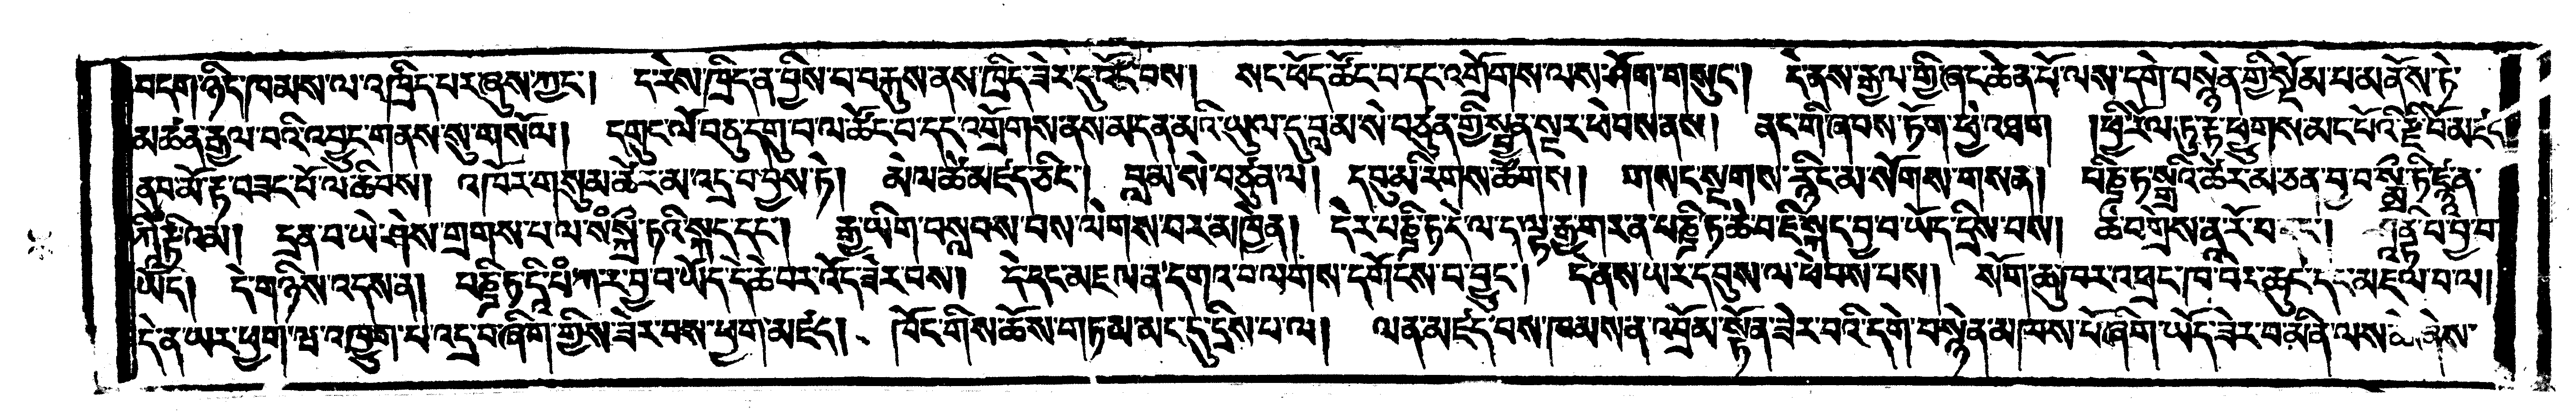བདག་ཉིད་ཁམས་ལ་འཁྲིད་པར་ཞུས་ཀྱང་། ད་རེས་ཁྲིད་ན་བྱིས་པ་བརྐུས་ནས་ཁྲིད་ཟེར་དུ་འོང་བས། སང་ཕོད་ཚོང་བ་དང་འགྲོགས་ལས་ཤོག་གསུང་། དེ་ནས་རྒྱལ་གྱི་ཞང་ཆེན་པོ་ལས་དགེ་བསྙེན་གྱི་སྡོམ་པ་མནོས་ཏེ་
མཚན་རྒྱལ་བའི་འབྱུང་གནས་སུ་གསོལ། དགུང་ལོ་བཅུ་དགུ་བ་ལ་ཚོང་བ་དང་འགྲོགས་ནས་མདན་མའི་ཡུལ་དུ་བླ་མ་སེ་བཙུན་གྱི་སྤྱན་སྔར་ཕེབས་ནས། ནང་གི་ཞབས་ཏོག་ཕྱེ་འཐབ། །ཕྱི་རོལ་ཏུ་རྟ་ཕྱུགས་མང་པོའི་རྫི་བོ་མཛད་
ནུབ་མོ་རྟ་བཟང་པོ་ལ་ཆིབས། འཁོར་གསུམ་ཚེར་མ་འདྲ་བ་བྱས་ཏེ། མེལ་ཚེ་མཛད་ཅིང་། བླ་མ་སེ་བཙུན་ལ། དབུ་མ་རིགས་ཚོགས། གསང་སྔགས་རྙིང་མ་སོགས་གསན། པཎྜི་ཏ་སྒྲའི་ཚེར་མ་ཅན་བྱ་བ་སྨྲྀ་ཏི་ཛྙཱ་ན་
ཀཱིརྟིའམ། དྲན་པ་ཡེ་ཤེས་གྲགས་པ་ལ་སཾསྐྲྀ་ཏའི་སྐད་དང་། རྒྱ་ཡིག་བསླབས་པས་ལེགས་པར་མཁྱེན། དེར་པཎྜི་ཏ་དེ་ལ་ད་ལྟ་རྒྱ་གར་ན་པཎྜི་ཏ་ཆེ་བ་ཇི་སྐད་བྱ་བ་ཡོད་དྲིས་པས། ཚ་བགྲེས་ནཱ་རོ་བ་དང་། ཤཱནྟི་པ་བྱ་བ་
ཡོད། དེ་གཉིས་འདས་ན། པཎྜི་ཏ་དཱི་པཾ་ཀ་ར་བྱ་བ་ཡོད་དེ་ཆེ་བར་འོད་ཟེར་བས། དེ་དང་མཇལ་ན་དགའ་བ་ལགས་དགོངས་བ་བྱུང་། དེ་ནས་ཡར་དབུས་ལ་ཕེབས་པས། སོག་ཆུ་ཁར་འཕྲང་ཁ་བེར་ཆུང་དང་མཇལ་བ་ལ།
དེ་ན་ཡར་ཕྱག་ཝ་འཁྱུག་པ་འདྲ་བ་ཞིག་གྱིས་ཟེར་བས་ཕྱག་མཛད། ཁོང་གིས་ཆོས་གཏམ་མང་དུ་དྲི་པ་ལ། ལན་མཛད་བས་ཁམས་ན་འབྲོམ་སྟོན་ཟེར་བའི་དགེ་བསྙེན་མཁས་པོ་ཞིག་ཡོད་ཟེར་བ་མིན་ལས་ཆེ་ཞེས་